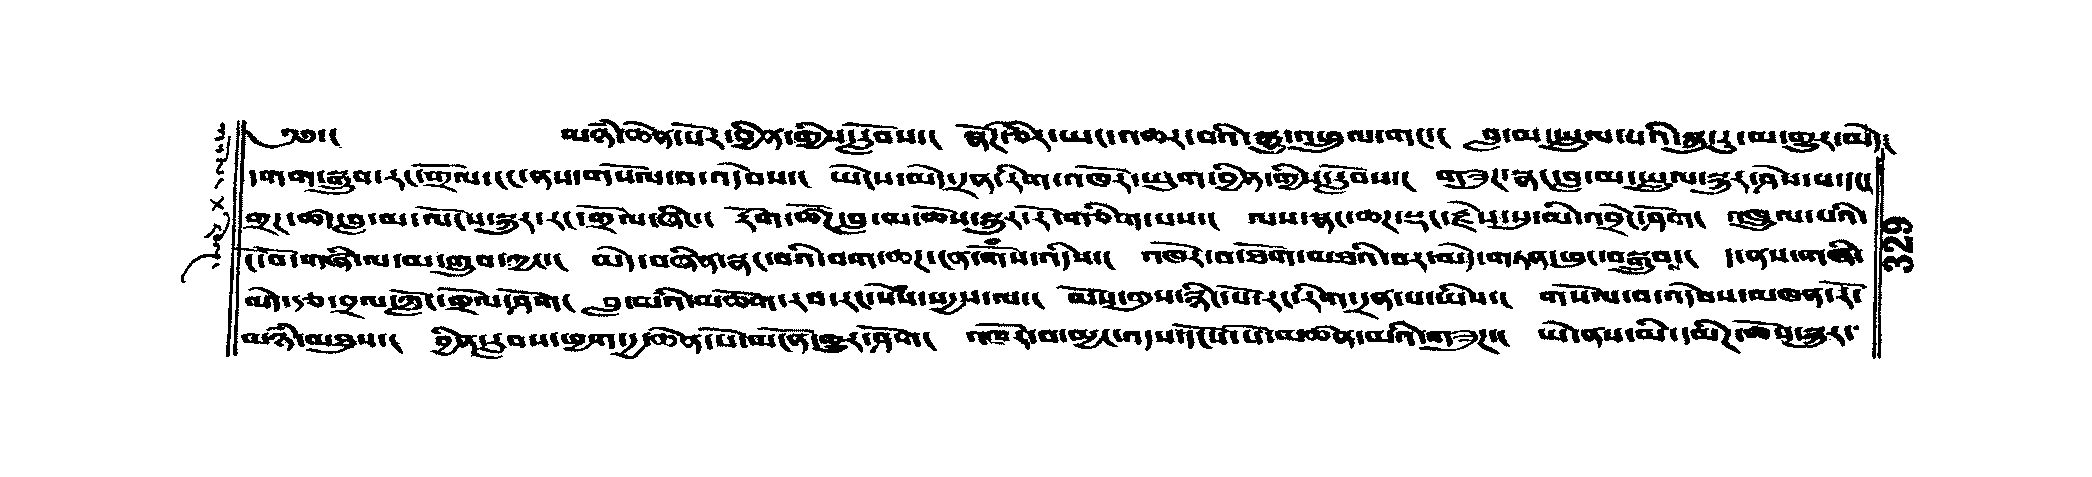མཉམ་ཆེན་པོར་བྱིན་གྱིས་རློབས། །སྣ་ཚོགས་ཅིར་ཡང་འཆར་བའི་སྒྱུ་འཕྲུལ་གང་། །བླ་མ་སྤྲུལ་པའི་སྐུ་རུ་མ་གྱུར་མེད། 
དགག་སྒྲུབ་རང་གྲོལ་ངང་ནས་གསོལ་བ་འདེབས། ་ཡེངས་མེད་དྲན་རིག་འཁོར་ཡུག་བྱིན་གྱིས་རློབས། །གཟུགས་སྣང་བླ་མ་སྤྲུལ་སྐུར་ཤེས་པ་དང་། །
གྲགས་ཚད་བླ་མ་ལོངས་སྐུར་རང་གྲོལ་ཞིང་། །རྟོག་ཚོགས་བླ་མ་ཆོས་སྐུར་རོ་གཅིག་པས། །ལས་སྣང་ཆགས་སྡང་རྗེས་སུ་མ་འབྲེང་ཤོག །འཁྲུལ་པའི་
ངོ་བོ་གཞི་ལ་མ་གྲུབ་ཀྱང་། །མེད་བཞིན་སྣང་བའི་བག་ཆགས་ངན་གོམས་འདིས། །འཁོར་བ་ཐོག་མཐའི་བར་མེད་གཏན་ཕུང་བསྒྲུབས། །ད་ནས་གཞི་
མེད་རྩ་བྲལ་ཀློང་གྲོལ་ཤོག །བླ་མའི་མཆོག་རབ་རང་སེམས་སངས་རྒྱས་ལ། །མོས་གུས་སྙིང་པོ་རང་རིག་དྲན་པ་ཡིས། །གསོལ་བ་འདེབས་མཁན་འརོ་
མཉམ་མཐུས། །བྱིན་རླབས་ཕྱག་རྒྱ་ཆེན་པོ་མངོན་གྱུར་ཤོག །འཁོར་བ་མྱང་འདས་དངོས་པོ་མཚན་མའི་གཟུགས། །ཡེ་ནས་མི་དམིགས་ཆོས་སྐུར་